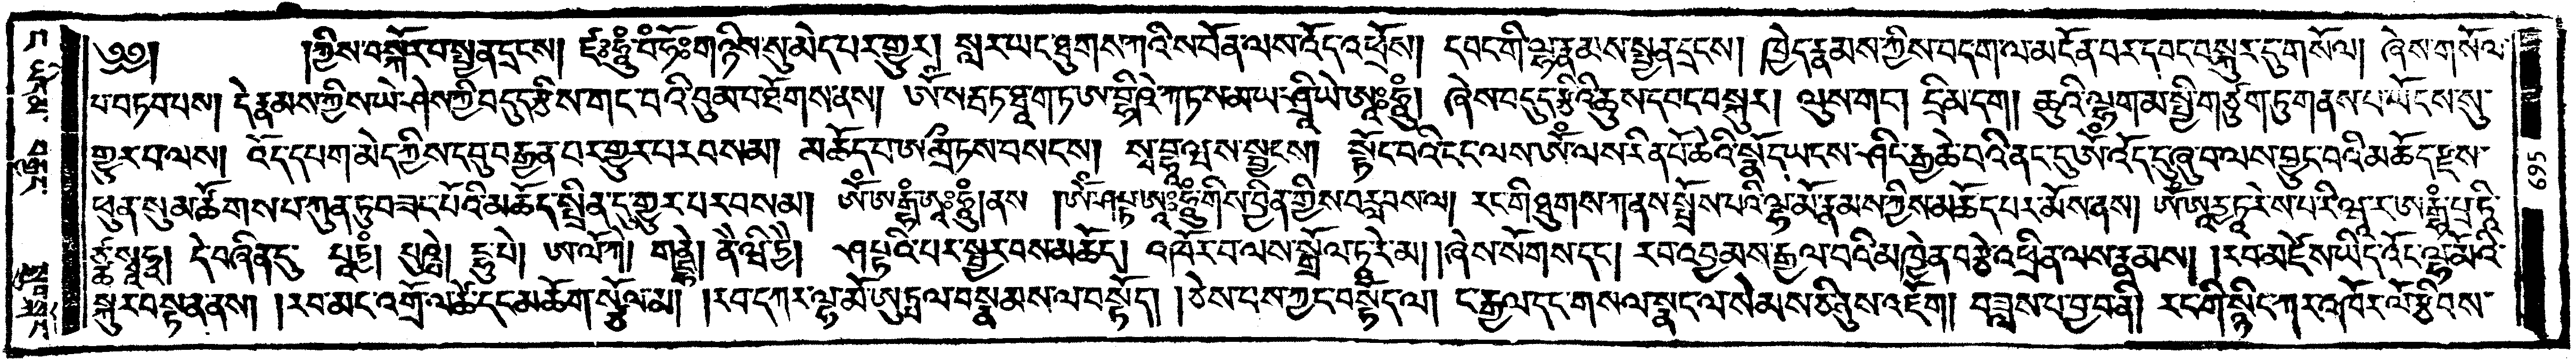༄༅། །ཀྱིས་བསྐོར་པ་སྤྱན་དྲངས། ཛཿ ཧཱུཾ་བཾ་ཧོཿ གཉིས་སུ་མེད་པར་གྱུར། སླར་ཡང་ཐུགས་ཀའི་ས་བོན་ལས་འོད་འཕྲོས། དབང་གི་ལྷ་རྣམས་སྤྱན་དྲངས། ཁྱེད་རྣམས་ཀྱིས་བདག་ལ་མངོན་བར་དབང་བསྐུར་དུ་གསོལ། ཞེས་གསོལ་
པ་བཏབ་པས། དེ་རྣམས་ཀྱིས་ཡེ་ཤེས་ཀྱི་བདུད་རྩིས་གང་བའི་བུམ་པ་ཐོགས་ནས། ཨོཾ་སརྦ་ཏ་ཐཱ་ག་ཏ་ཨ་བྷི་ཥེ་ཀ་ཏས་མ་ཡ་ཤྲའི་ཡེ་ཨཱཿ ཧཱུཾ། ཞེས་བདུད་རྩིའི་ཆུས་དབང་བསྐུར། ལུས་གང་། དྲི་མ་དག། ཆུའི་ལྷག་མ་སྤྱི་གཙུག་ཏུ་གནས་པ་ཡོངས་སུ་
གྱུར་པ་ལས། འོད་དཔག་མེད་ཀྱིས་དབུ་བརྒྱན་པ་གྱུར་པར་རབ་སམ། མཆོད་པ་ཨྀ་མྲ་ཏས་བསངས། སྭ་བྷཱ་ཝས་སྦྱངས། སྟོང་བའི་ངག་ལས་ཨོཾ་ལས་རིན་པོ་ཆེའི་སྣོད་ཡངས་ཤིང་རྒྱ་ཆེ་བའི་ནང་དུ་ཨོཾ་འོད་དུ་ཞུ་བ་ལས་བྱུང་བའི་མཆོད་རྫས་
ཕུན་སུམ་ཚོགས་པ་ཀུན་ཏུ་བཟང་པོའི་མཆོད་སྒྲིན་དུ་གྱུར་པར་བསམ། ཨོཾ་ཨརྒྷཾ་ཨཱཿཧཱུཾ། ནས་།ཨོཾ་ཤཔྟ་ཨཱཿཧཱུཾ་གིས་བྱིན་གྱིས་བརླབས་ལ། རང་གི་ཐུགས་ཀ་ནས་སྤྲོས་པའི་ལྷ་མོ་རྣམས་ཀྱིས་མཆོད་པར་མོས་ནས། ཨོཾ་ཨཱརྱ་ཏཱ་རེ་ས་པ་རི་ཝཱ་ར་ཨརྒྷཾ་པྲ་ཏཱི་
ཙྪ་སྭཱ་ཧཱ། དེ་བཞིན་དུ་པཱ་ཏྱཾ། པུཥེབ། དྷུ་པེ། ཨ་ལོ་ཀེ། སྣེདྡྷ། ནཻ་ཕྲི་ཧྱཻ། ཤཔྟའི་པར་སྦྱར་བས་མཆོད། འཁོར་བ་ལས་སྒྲོལ་ཏཱ་རེ་མ། །ཞེས་སོགས་དང་། རབ་འབྱམས་རྒྱལ་བའི་མཁྱེན་བརྩེ་འཕྲིན་ལས་རྣམས། །རབ་མཛེས་ཡིད་འོང་ལྷ་མོའི་
སྐུར་བསྟན་ནས། །རབ་མང་འགྲོ་ལ་ཚེ་དང་མཆོག་སྩོལ་མ། །རབ་དཀར་ལྷ་མོ་ཨུཏྤལ་བསྣམས་ལ་བསྟོད། །ཅེས་པས་ཀྱང་བསྟོད་ལ། ང་རྒྱལ་དང་གསལ་སྣང་ལ་སེམས་ཅི་ནུས་འཇོག། བཟླས་པ་བྱ་བ་ནི། རང་གི་སྙིང་ཀར་འཁོར་ལོ་རྩིབས་